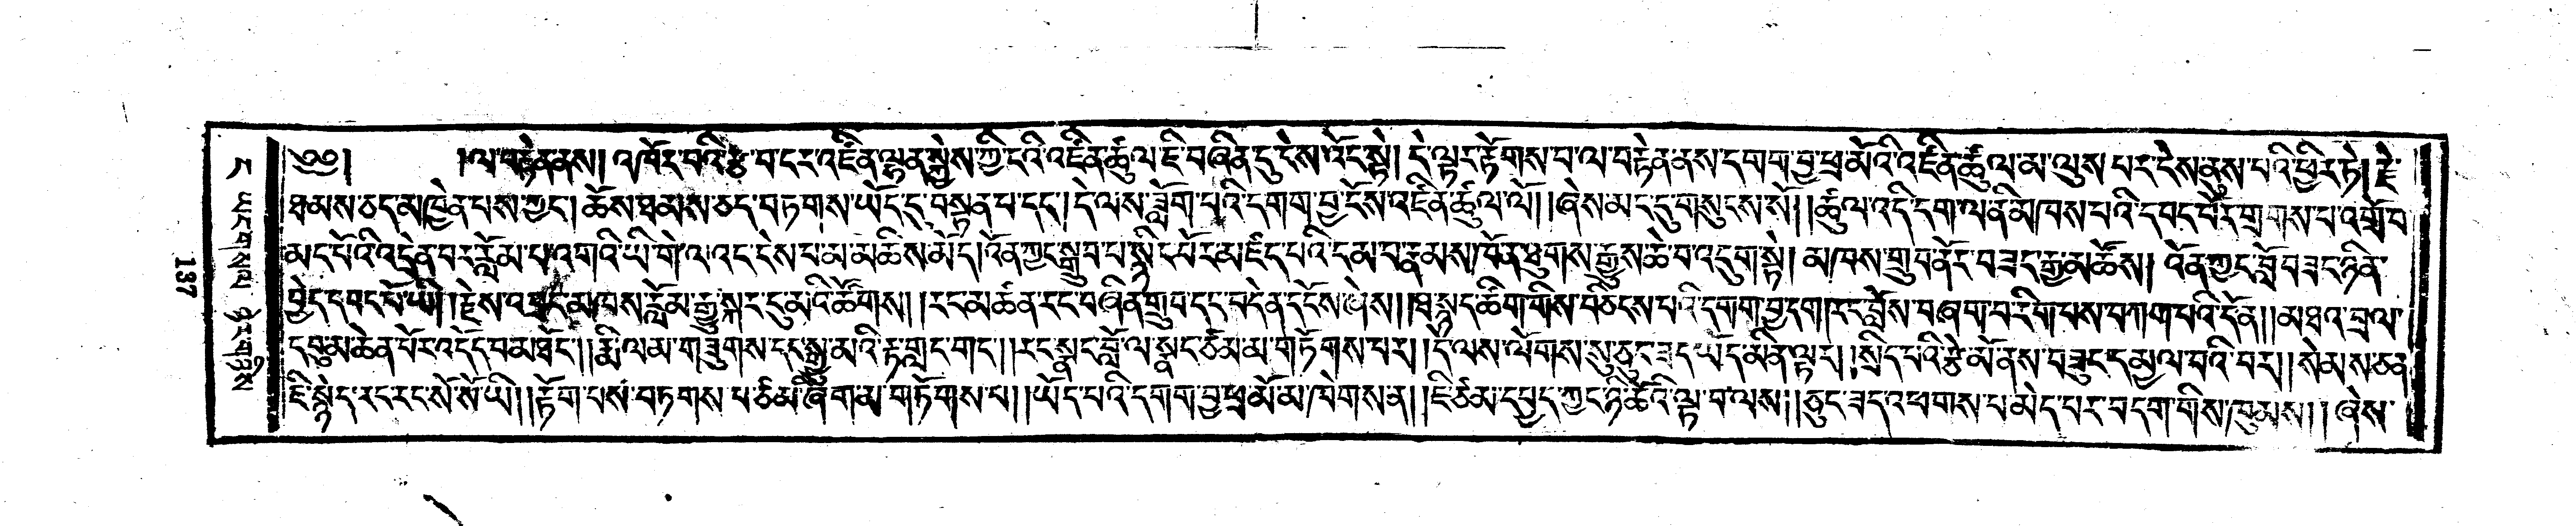༄༅། །ལ་བརྟེན་ནས། འཁོར་བའི་རྩ་བ་ངར་འཛིན་ལྷན་སྐྱེས་ཀྱི་ངའི་འཛིན་ཚུལ་ཇི་བཞིན་དུ་ངེས་འོང་སྟེ། དེ་ལྟར་རྟོགས་པ་ལ་བརྟེན་ནས་དགག་བྱ་ཕྲ་མོའི་འཛིན་ཚུལ་མ་ལུས་པར་ངེས་ནུས་པའི་ཕྱིར་ཏེ། རྗེ་
ཐམས་ཅད་མཁྱེན་པས་ཀྱང་། ཆོས་ཐམས་ཅད་བཏགས་ཡོད་དུ་བསྟན་པ་དང་། དེ་ལས་ཟློག་པའི་དགག་བྱ་ངོས་འཛིན་ཚུལ་ལོ། །ཞེས་མང་དུ་གསུངས་སོ། །ཚུལ་འདི་དག་ལ་ནི་མཁས་པའི་དབང་པོར་གྲགས་པ་འགྲོ་བ་
མང་པོའི་འདྲེན་པར་རློམ་པ་འགའི་ཡི་གེ་ལའང་ངེས་པ་མ་མཆིས་མོད། འོན་ཀྱང་སྒྲུབ་པ་སྙིང་པོར་མཛད་པའི་དམ་པ་རྣམས་ཁོ་ན་ཐུགས་རྒྱུས་ཆེ་བ་འདུག་སྟེ། མཁས་གྲུབ་ནོར་བཟང་རྒྱ་མཚོས། འོན་ཀྱང་བློ་བཟང་ཉིན་
བྱེད་དབང་པོ་ཡི། །རྗེས་འབྲང་མཁས་རློམ་རྒྱུ་སྐར་དུ་མའི་ཚོགས། །རང་མཚན་རང་བཞིན་གྲུབ་དང་བདེན་དངོས་ཞེས། །ཐ་སྙད་ཚིག་གིས་བཅིངས་པའི་དགག་བྱ་དག །རང་བློས་བཞག་པ་རིག་པས་བཀག་པའི་དོན། །མཐའ་བྲལ་
དབུ་མ་ཆེན་པོར་འདོད་པ་མཐོང་། །རྨི་ལམ་གཟུགས་དང་སྒྱུ་མའི་རྟ་གླང་གང་། །རང་སྣང་བློ་ལ་སྣང་ཙམ་མ་གཏོགས་པར། །དེ་ལས་ལོགས་སུ་ཅུང་ཟད་ཡོད་མིན་ལྟར། །སྲིད་པའི་རྩེ་མོ་ནས་བཟུང་དམྱལ་བའི་བར། །སེམས་ཅན་
ཇི་སྙེད་རང་རང་སོ་སོ་ཡི། །རྟོག་པས་བཏགས་པ་ཙམ་ཞིག་མ་གཏོགས་པ། །ཡོད་པའི་དགག་བྱ་ཕྲ་མོ་མ་ཁེགས་ན། །ཇི་ཙམ་དཔྱད་ཀྱང་ཉི་ཚེའི་ལྟ་བ་ལས། །ཅུང་ཟད་འཕགས་པ་མེད་པར་བདག་གིས་ཁུམས། །ཞེས་